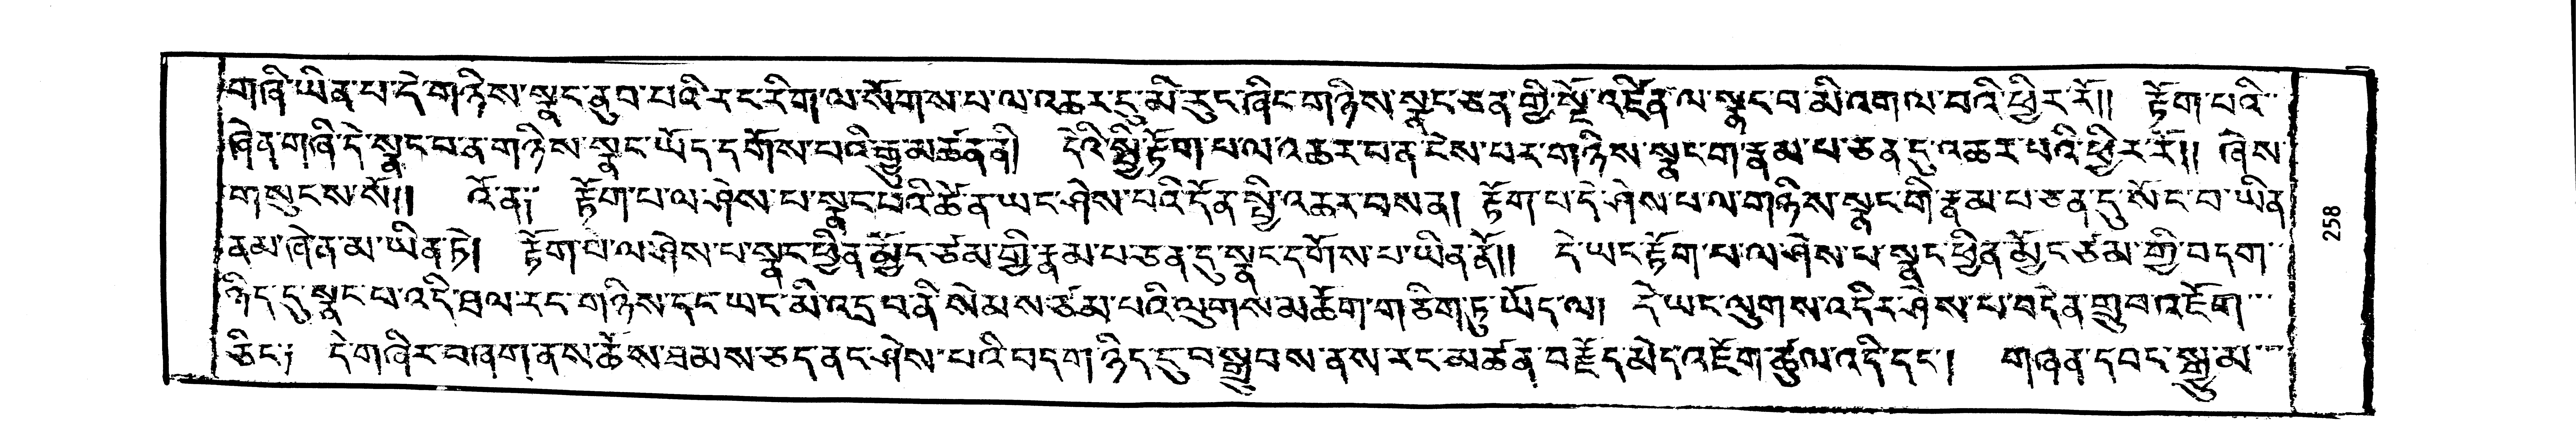གཞི་ཡིན་པ་དེ་གཉིས་སྣང་ནུབ་པའི་རང་རིག་ལ་སོགས་པ་ལ་འཆར་དུ་མི་རུང་ཞིང་གཉིས་སྣང་ཅན་གྱི་སྔོ་འཛིན་ལ་སྣང་བ་མི་འགལ་བའི་ཕྱིར་རོ། །རྟོག་པའི་
ཞེན་གཞི་དེ་སྣང་བ་ན་གཉིས་སྣང་ཡོད་དགོས་པའི་རྒྱུ་མཚན་ནི། དེའི་སྤྱི་རྟོག་པ་ལ་འཆར་བ་ན་ངེས་པར་གཉིས་སྣང་ག་རྣམ་པ་ཅན་དུ་འཆར་བའི་ཕྱིར་རོ། །ཞེས་
གསུངས་སོ། །འོ་ན། རྟོག་པ་ལ་ཤེས་པ་སྣང་བའི་ཚེ་ན་ཡང་ཤེས་པའི་དོན་སྤྱི་འཆར་བས་ན། རྟོག་པ་དེ་ཤེས་པ་ལ་གཉིས་སྣང་གི་རྣམ་པ་ཅན་དུ་སོང་བ་ཡིན་
ནམ་ཞེ་ན་མ་ཡིན་ཏེ། རྟོག་པ་ལ་ཤེས་པ་སྣང་ཕྱིན་མྱོང་ཙམ་གྱི་རྣམ་པ་ཅན་དུ་སྣང་དགོས་པ་ཡིན་ནོ། །དེ་ཡང་རྟོག་པ་ལ་ཤེས་པ་སྣང་ཕྱིན་མྱོང་ཙམ་གྱི་བདག་
ཉིད་དུ་སྣང་བ་འདི་ཐལ་རང་གཉིས་དང་ཡང་མི་འདྲ་བ་ནི་སེམས་ཙམ་པའི་ལུགས་མཆོག་གཅིག་ཏུ་ཡོད་ལ། དེ་ཡང་ལུགས་འདིར་ཤེས་པ་བདེན་གྲུབ་འཇོག་
ཅིང་། དེ་གཞིར་བཞག་ནས་ཆོས་ཐམས་ཅད་ནང་ཤེས་པའི་བདག་ཉིད་དུ་བསྒྲུབས་ནས་རང་མཚན་བརྗོད་མེད་འཇོག་ཚུལ་འདི་དང་། གཞན་དབང་སྒྱུ་མ་